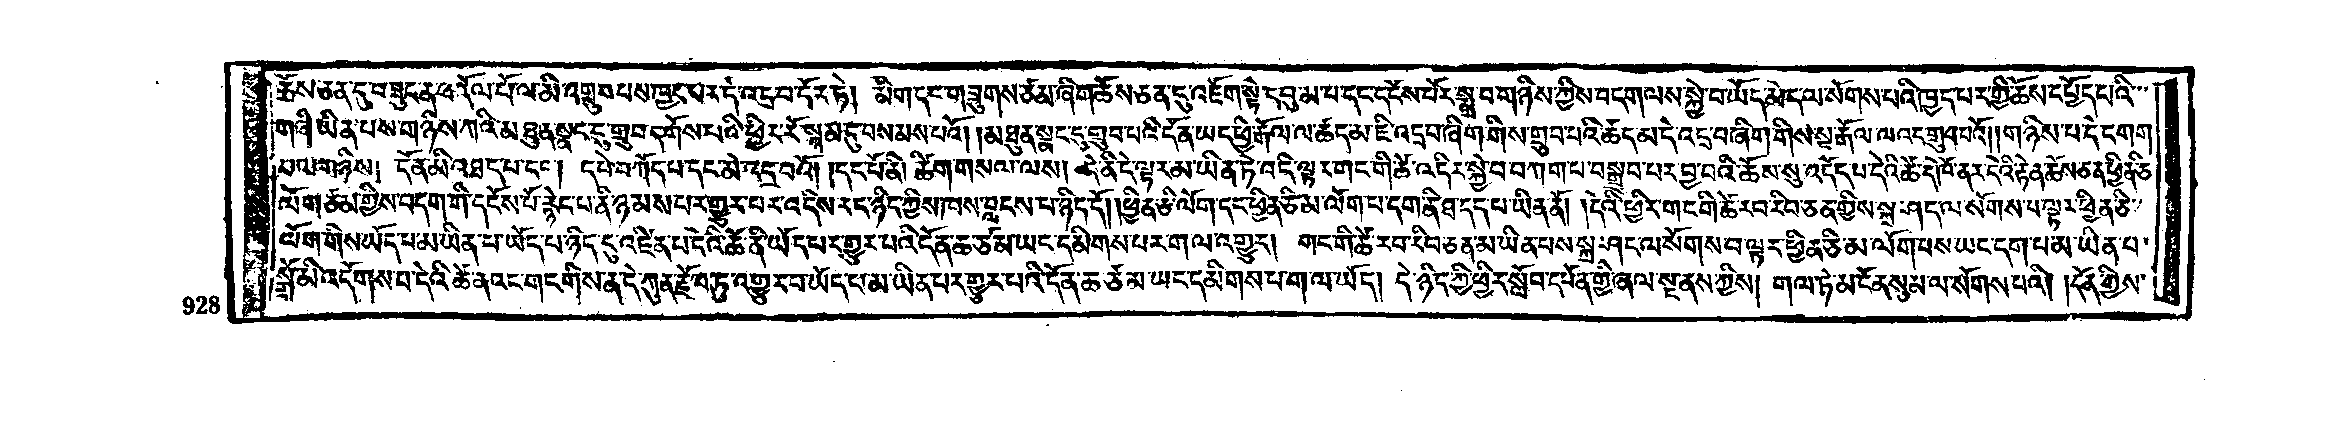ཆོས་ཅན་དུ་བཟུང་ན་ཕ་རོལ་པོ་ལ་མི་འགྲུབ་པས་ཁྱད་པར་དེ་འདྲ་བ་དོར་ཏེ། མིག་དང་གཟུགས་ཙམ་ཞིག་ཆོས་ཅན་དུ་འཇོག་སྟེ་དབུ་མ་པ་དང་དངོས་པོར་སྨྲ་བ་གཉིས་ཀྱིས་བདག་ལས་སྐྱེ་བ་ཡོད་མེད་ལ་སོགས་པའི་ཁྱད་པར་གྱི་ཆོས་དཔྱོད་པའི་
གཞི་ཡིན་པས་གཉིས་ཀའི་མཐུན་སྣང་དུ་གྲུབ་དགོས་པའི་ཕྱིར་རོ་སྙམ་དུ་བསམས་པའོ། །མཐུན་སྣང་དུ་གྲུབ་པའི་དོན་ཡང་ཕྱི་རྒོལ་ལ་ཚད་མ་ཇི་འདྲ་བ་ཞིག་གིས་གྲུབ་པའི་ཚད་མ་དེ་འདྲ་བ་ཞིག་གིས་སྔ་རྒོལ་ལའང་གྲུབ་པའོ། །གཉིས་པ་དེ་དགག་
པ་ལ་གཉིས། དོན་མི་འཐད་པ་དང་། དཔེ་བཀོད་པ་དང་མི་འདྲ་བའོ། །དང་པོ་ནི། ཚིག་གསལ་ལས། དེ་ནི་དེ་ལྟར་མ་ཡིན་ཏེ་འདི་ལྟར་གང་གི་ཚེ་འདིར་སྐྱེ་བ་བཀག་པ་བསྒྲུབ་པར་བྱ་བའི་ཆོས་སུ་འདོད་པ་དེའི་ཚེ་དེ་ཁོ་ནར་དེའི་རྟེན་ཆོས་ཅན་ཕྱིན་ཅི་
ལོག་ཙམ་གྱིས་བདག་གི་དངོས་པོ་རྙེད་པ་ནི་ཉམས་པར་གྱུར་པར་འདིས་རང་ཉིད་ཀྱིས་ཁས་བླངས་པ་ཉིད་དོ། །ཕྱིན་ཅི་ལོག་དང་ཕྱིན་ཅི་མ་ལོག་པ་དག་ནི་ཐ་དད་པ་ཡིན་ནོ། །དེའི་ཕྱིར་གང་གི་ཚེ་རབ་རིབ་ཅན་གྱིས་སྐྲ་ཤད་ལ་སོགས་པ་ལྟར་ཕྱིན་ཅི་
ལོག་གིས་ཡོད་པ་མ་ཡིན་པ་ཡོད་པ་ཉིད་དུ་འཛིན་པ་དེའི་ཚེ་ནི་ཡོད་པར་གྱུར་པའི་དོན་ཆ་ཙམ་ཡང་དམིགས་པར་ག་ལ་འགྱུར། གང་གི་ཚེ་རབ་རིབ་ཅན་མ་ཡིན་པས་སྐྲ་ཤད་ལ་སོགས་པ་ལྟར་ཕྱིན་ཅི་མ་ལོག་པས་ཡང་དག་པ་མ་ཡིན་པ་
སྒྲོ་མི་འདོགས་པ་དེའི་ཚེ་ནའང་གང་གིས་ན་དེ་ཀུན་རྫོབ་ཏུ་འགྱུར་བ་ཡོད་པ་མ་ཡིན་པར་གྱུར་པའི་དོན་ཆ་ཙམ་ཡང་དམིགས་པ་ག་ལ་ཡོད། དེ་ཉིད་ཀྱི་ཕྱིར་སློབ་དཔོན་གྱི་ཞལ་སྔ་ནས་ཀྱིས། གལ་ཏེ་མངོན་སུམ་ལ་སོགས་པའི། །དོན་གྱིས་